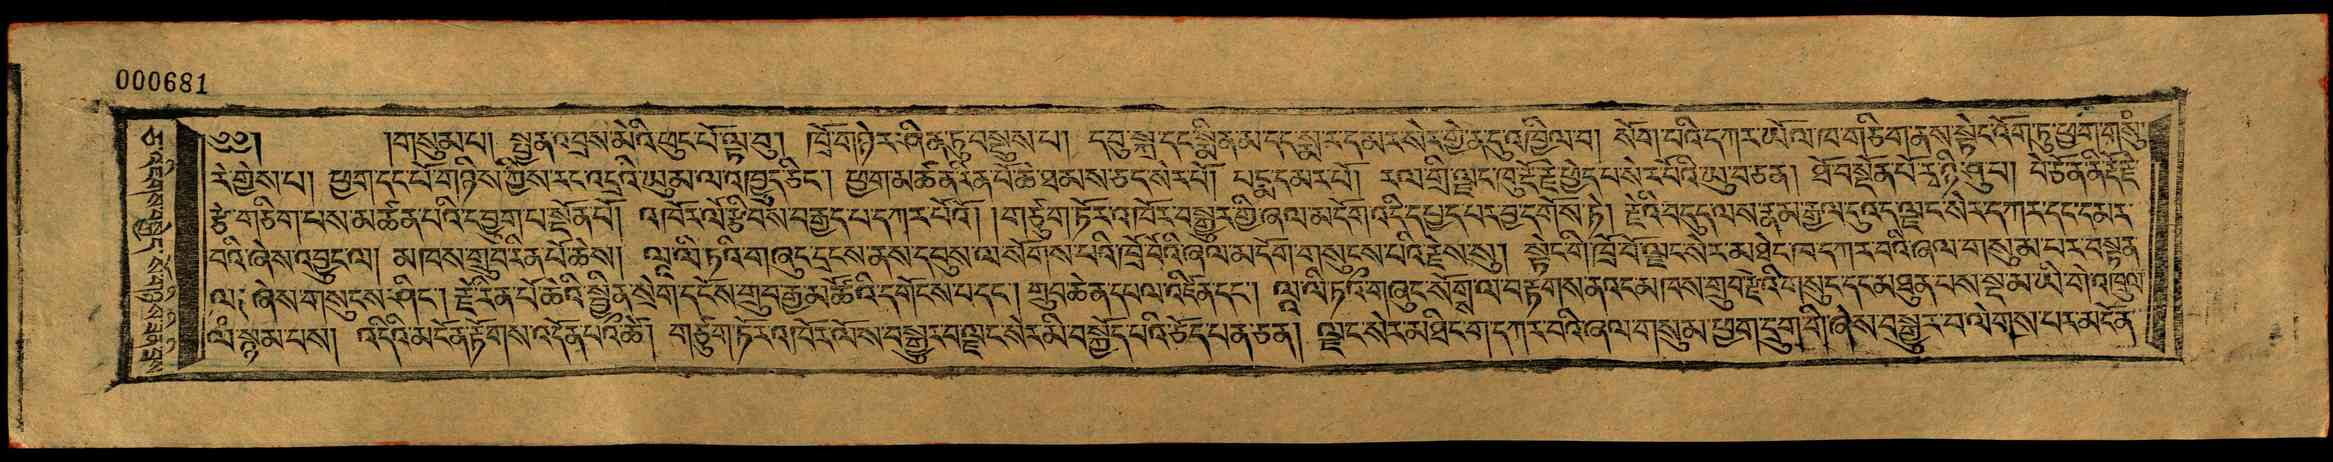༄༅། །གསུམ་པ། སྤྱན་འབྲས་མེའི་ཕུང་པོ་ལྟ་བུ། ཁྲོ་གཉེར་ཤིན་ཏུ་བསྡུས་པ། དབུ་སྐྲ་དང་སྨིན་མ་དང་སྨ་ར་དམར་སེར་གྱེན་དུ་འཁྱིལ་བ། སོག་པའི་དཀར་ཡོལ་ཁ་གཅིག་ནས་སྟེང་འོག་ཏུ་ཕྱག་གསུཾ་
རེ་གྱེས་པ། ཕྱག་དང་པོ་གཉིས་ཀྱིས་རང་འདྲའི་ཡུམ་ལ་འཁྱུད་ཅིང་། ཕྱག་མཚན་རིན་པོ་ཆེ་ཐམས་ཅད་སེར་པོ། པདམ་དམར་པོ། རལ་གྲི་ལྗང་ཁུ་རྡོ་རྗེ་ཕྱེད་པ་སེར་པོའི་ཡུ་བ་ཅན། ཐོ་བ་སྔོན་པོ་རྭ་ཉི་ཤུ་པ། བེ་ཅོན་ནི་རྡོ་རྗེ་
རྩེ་གཅིག་པས་མཚན་པའི་དབྱུག་པ་སྔོན་པོ། འཁོར་ལོ་རྩིབས་བརྒྱད་པ་དཀར་པོའོ། །གཙུག་ཏོར་འཁོར་བསྒྱུར་གྱི་ཞལ་མདོག་འདི་དཔྱད་པར་བྱ་དགོས་ཏེ། རྗེའི་བདུད་ལས་རྣམ་རྒྱལ་དུའང་ལྗང་སེར་དཀར་དང་དམར་
བའི་ཞེས་འབྱུང་ལ། མཁས་གྲུབ་རིན་པོ་ཆེས། ལཱ་ལི་ཏའི་གཞུང་དྲངས་ནས་དབུས་ལ་སོགས་པའི་ཁྲོ་བོའི་ཞལ་མདོག་གསུངས་པའི་རྗེས་སུ། སྟེང་གི་ཁྲོ་བོ་ལྗང་སེར་མཐིང་ཁ་དཀར་བའི་ཞལ་གསུམ་པར་བསྟན་
ལ༑ ཞེས་གསུངས་ཤིང་། རྗེ་རིན་པོ་ཆེའི་སྦྱིན་སྲེག་དངོས་གྲུབ་རྒྱ་མཚོའི་དགོངས་པ་དང་། གྲུབ་ཆེན་དཔལ་འཛིན་དང་། ལཱ་ལི་ཏའི་གཞུང་སོགས་ལ་བརྟགས་ནའང་མཁས་གྲུབ་རྗེའི་གསུང་དང་མཐུན་པས་སྔ་མ་ཡི་གེ་འཁྲུལ་
ལཾ་སྙམ་པས། འདིའི་མངོན་རྟོགས་འདོན་པའི་ཚེ། གཙུག་ཏོར་འཁོར་ལོས་བསྒྱུར་བ་ལྗང་སེར་མི་བསྐྱོད་པའི་ཅོད་པན་ཅན། ལྗང་སེར་མཐིང་ག་དཀར་བའི་ཞལ་གསུམ་ཕྱག་དྲུག་གི་ཞེ་བསྒྱུར་བ་ལེགས་པར་མངོན་